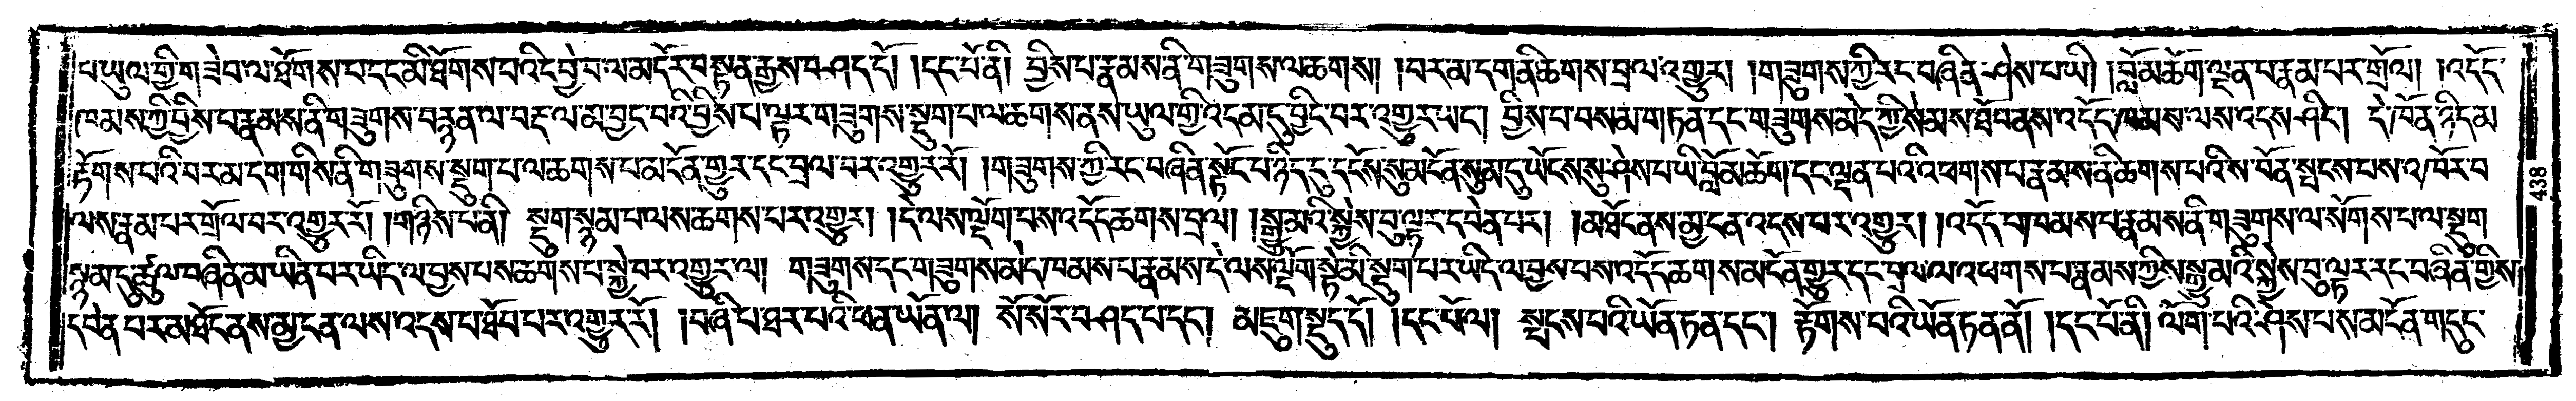པ་ཡུལ་གྱི་གཟེབ་ལ་ཐོགས་པ་དང་མི་ཐོགས་པའི་དབྱེ་བ་ལ་མདོར་བསྟན་རྒྱས་བཤད་དོ། །དང་པོ་ནི། བྱིས་པ་རྣམས་ནི་གཟུགས་ལ་ཆགས། །བར་མ་དག་ནི་ཆགས་བྲལ་འགྱུར། །གཟུགས་ཀྱི་རང་བཞིན་ཤེས་པ་ཡི། །བློ་མཆོག་ལྡན་པ་རྣམ་པར་གྲོལ། །འདོད་
ཁམས་ཀྱི་བྱིས་པ་རྣམས་ནི་གཟུགས་བརྙན་ལ་བརྡ་ལ་མ་བྱང་བའི་བྱིས་པ་ལྟར་གཟུགས་སྡུག་པ་ལ་ཆགས་ནས་ཡུལ་གྱི་འདམ་དུ་བྱིང་བར་འགྱུར་ཡང་། བྱིས་པ་བསམ་གཏན་དང་གཟུགས་མེད་ཀྱི་སེམས་ཐོབ་ནས་འདོད་ཁམས་ལས་འདས་ཤིང་། དེ་ཁོ་ན་ཉིད་མ་
རྟོགས་པའི་བར་མ་དག་གིས་ནི་གཟུགས་སྡུག་པ་ལ་ཆགས་པ་མངོན་གྱུར་དང་བྲལ་བར་འགྱུར་རོ། །གཟུགས་ཀྱི་རང་བཞིན་སྟོང་པ་ཉིད་དུ་དངོས་སུ་མངོན་སུམ་དུ་ཡོངས་སུ་ཤེས་པ་ཡི་བློ་མཆོག་དང་ལྡན་པའི་འཕགས་པ་རྣམས་ནི་ཆགས་པའི་ས་བོན་སྤངས་པས་འཁོར་བ་
ལས་རྣམ་པར་གྲོལ་བར་འགྱུར་རོ། །གཉིས་པ་ནི། སྡུག་སྙམ་པ་ལས་ཆགས་པར་འགྱུར། །དེ་ལས་ལྡོག་པས་འདོད་ཆགས་བྲལ། །སྒྱུ་མའི་སྐྱེས་བུ་ལྟར་དབེན་པར། །མཐོང་ནས་མྱ་ངན་འདས་པར་འགྱུར། །འདོད་པ་ཁམས་པ་རྣམས་ནི་གཟུགས་ལ་སོགས་པ་ལ་སྡུག་
སྙམ་དུ་ཚུལ་བཞིན་མ་ཡིན་པར་ཡིད་ལ་བྱས་པས་ཆགས་པ་སྐྱེ་བར་འགྱུར་ལ། གཟུགས་དང་གཟུགས་མེད་ཁམས་པ་རྣམས་དེ་ལས་ལྡོག་སྟེ་མི་སྡུག་པར་ཡིད་ལ་བྱས་པས་འདོད་ཆགས་མངོན་གྱུར་དང་བྲལ་ལ་འཕགས་པ་རྣམས་ཀྱིས་སྒྱུ་མའི་སྐྱེས་བུ་ལྟར་རང་བཞིན་གྱིས་
དབེན་པར་མཐོང་ནས་མྱ་ངན་ལས་འདས་པ་ཐོབ་པར་འགྱུར་རོ། །བཞི་པ་ཐར་པའི་ཕན་ཡོན་ལ། སོ་སོར་བཤད་པ་དང་། མཇུག་སྡུད་དོ། །དང་པོ་ལ། སྤངས་པའི་ཡོན་ཏན་དང་། རྟོགས་པའི་ཡོན་ཏན་ནོ། །དང་པོ་ནི། ལོག་པའི་ཤེས་པས་མངོན་གདུང་